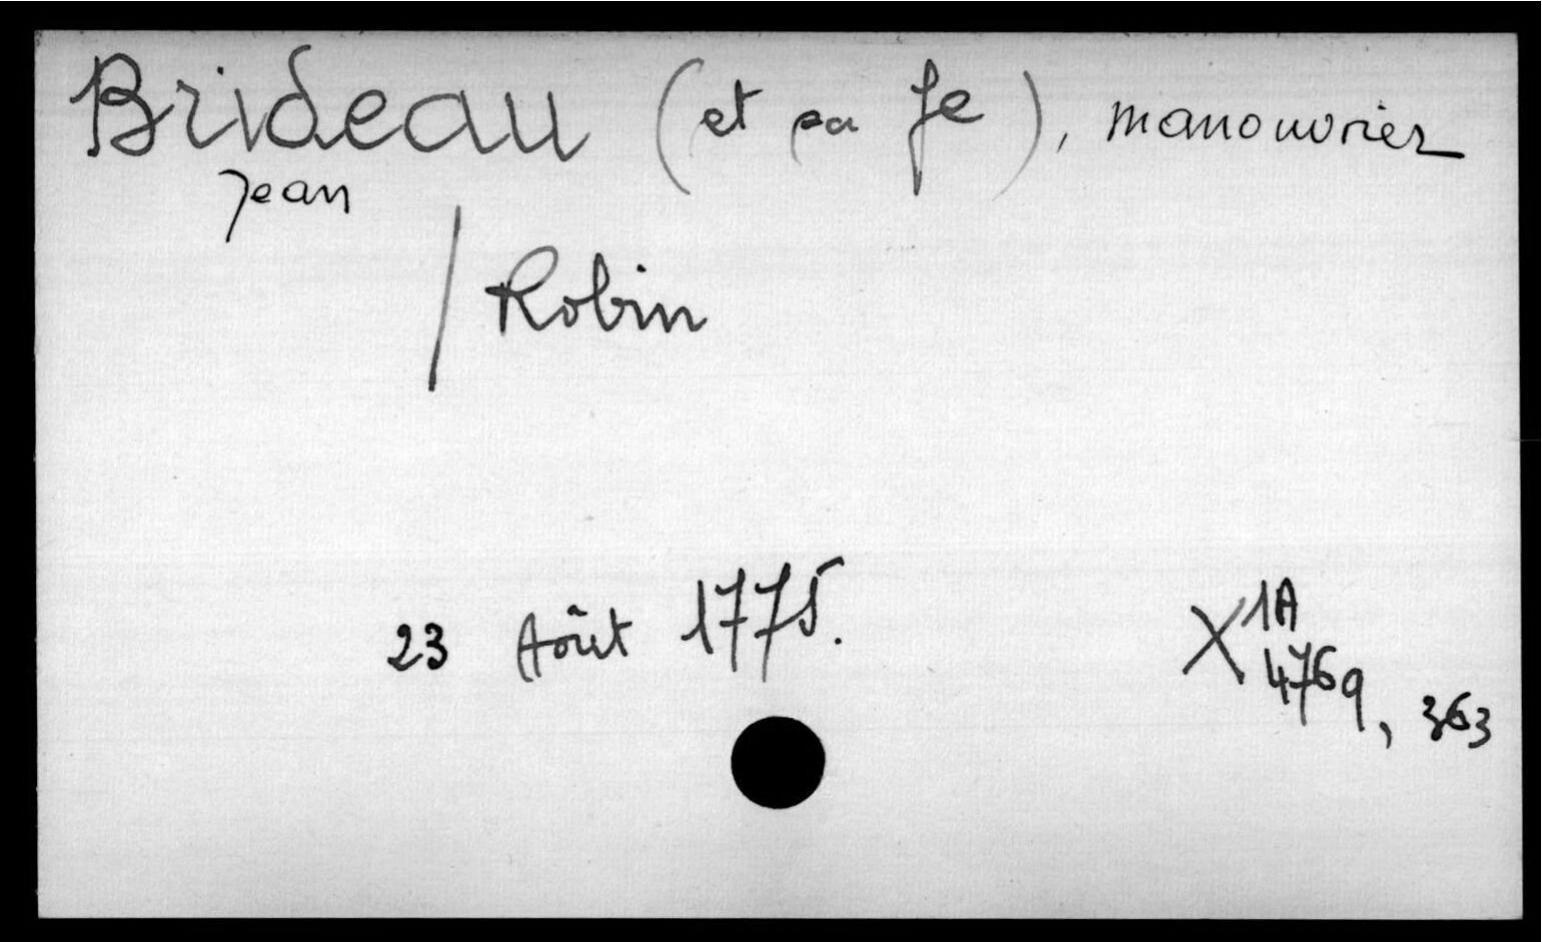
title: BRIDEAU Jean (et sa femme), manouvrier
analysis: Contre Robin
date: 23 août 1775
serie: X1A
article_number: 4769
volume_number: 363
